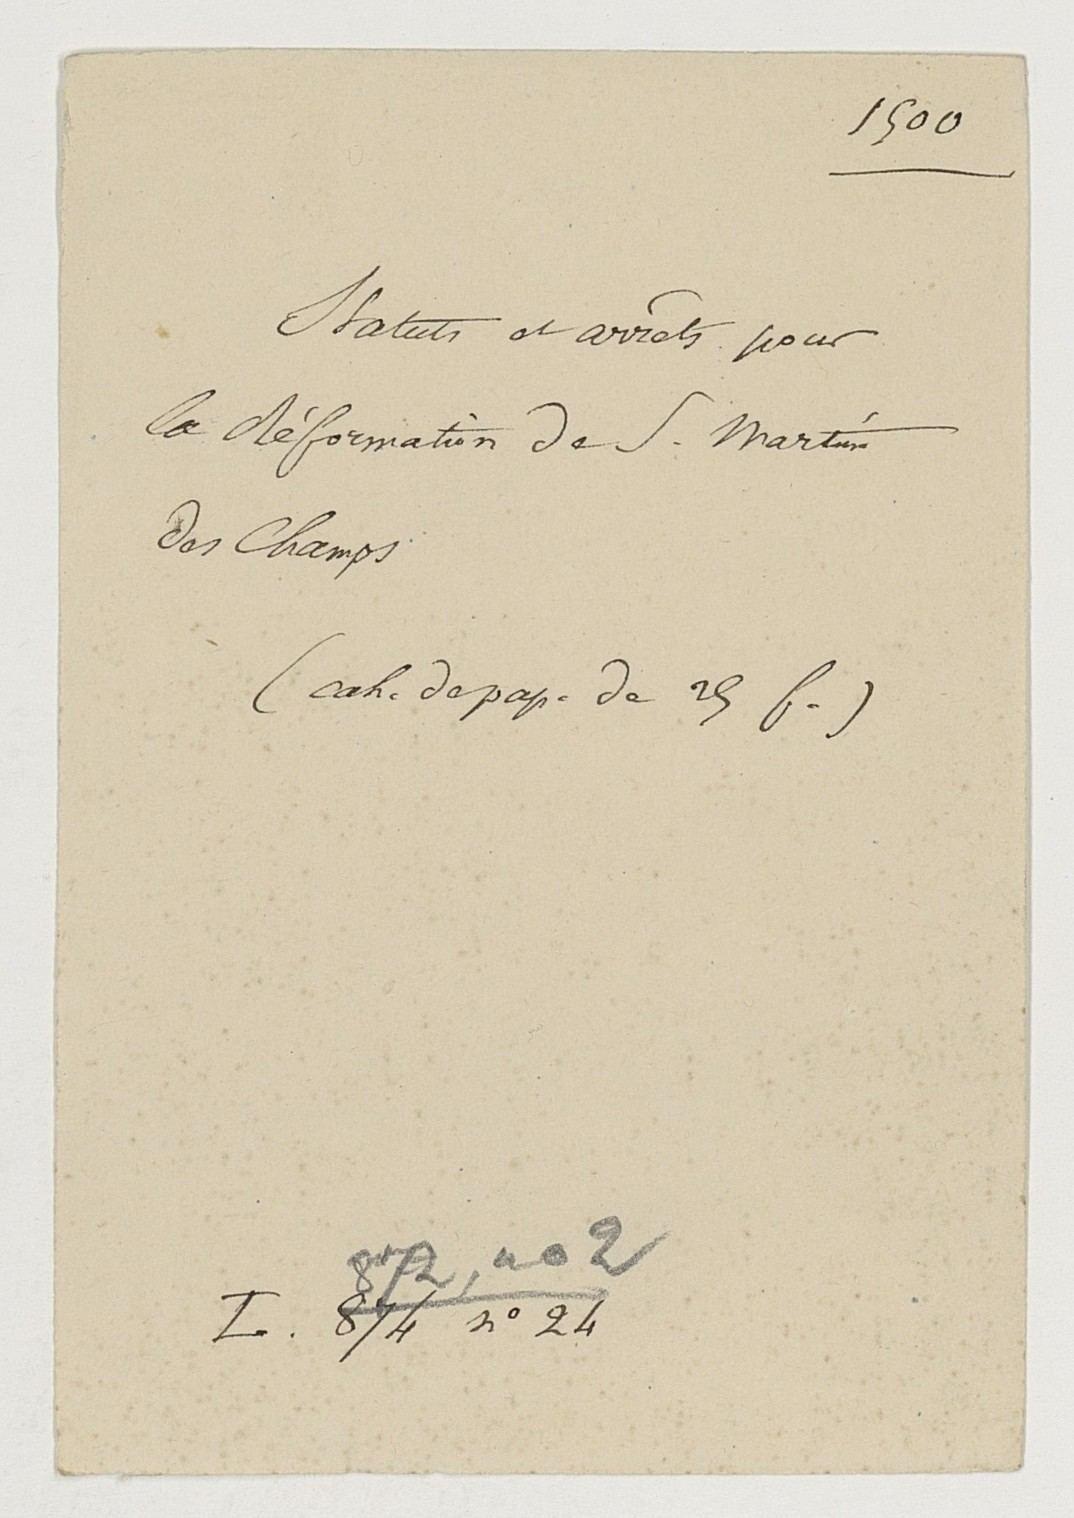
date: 1500
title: Statuts et arrêts pour la Réformation de Saint-Martin des Champs
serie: L
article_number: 872
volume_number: n° 2
